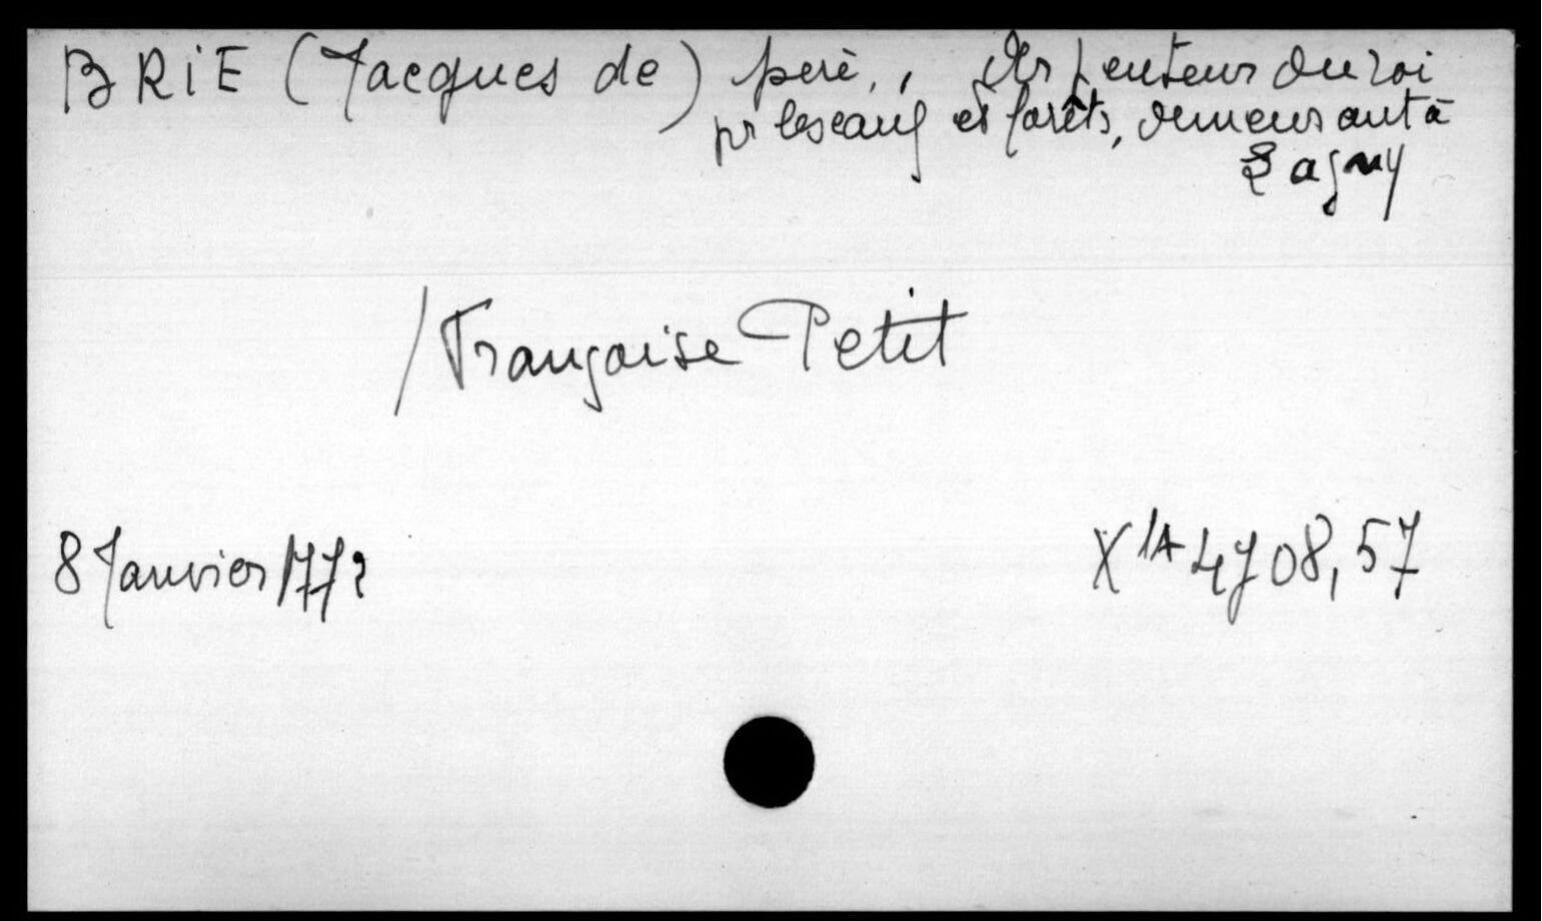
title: BRIE (Jacques de) père, directeur du roi pour les eaux et forêts, demeurant à Lagny
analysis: Contre Françoise Petit
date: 8 janvier 1772
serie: X1A
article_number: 4708
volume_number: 57
